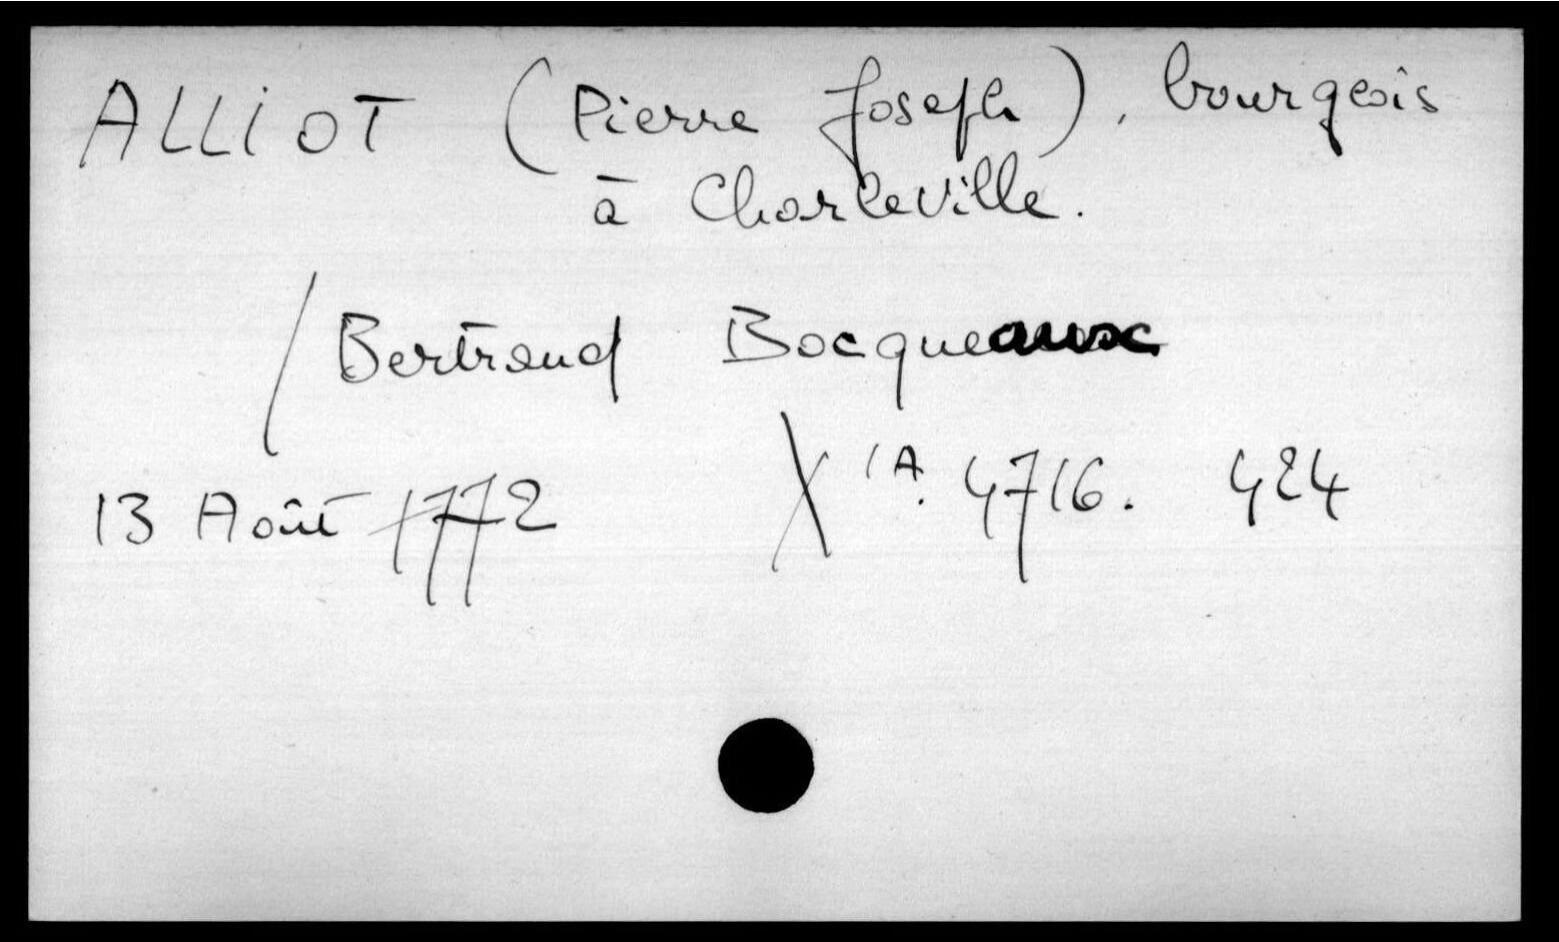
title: ALLIOT (Pierre Joseph), bourgeois à Charleville.
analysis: Contre Bertrand Bocqueaux
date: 13 août 1772
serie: X1A
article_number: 4716
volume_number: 424
